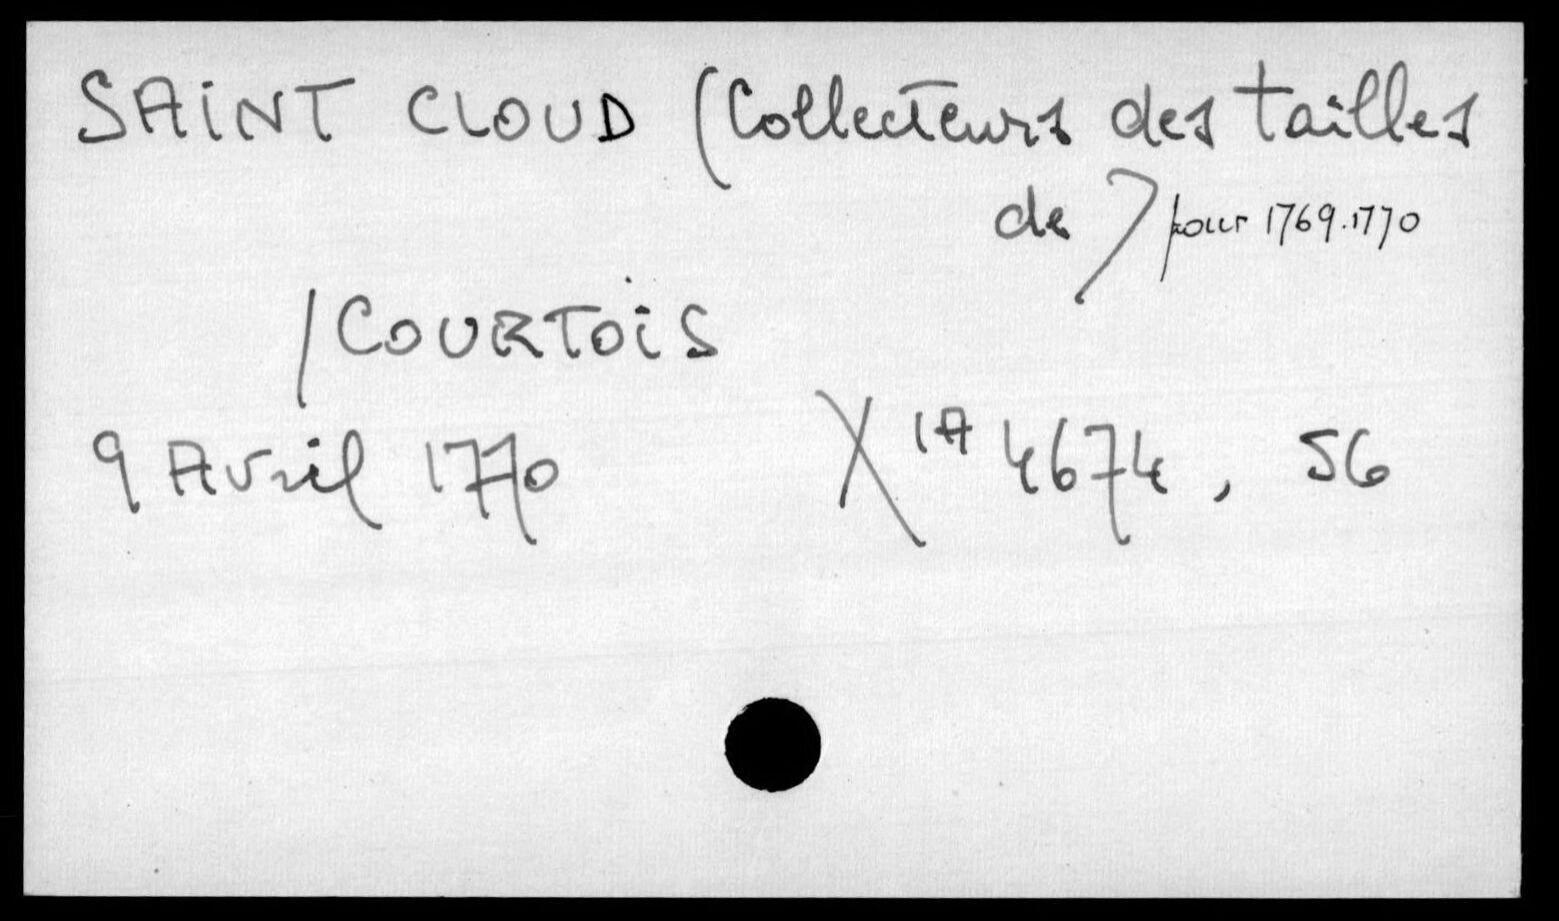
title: SAINT CLOUD (Collecteurs des tailles de ) pour 1769-1770
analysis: Contre COURTOIS
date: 9 avril 1770
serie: X1A
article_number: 4674
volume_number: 56
